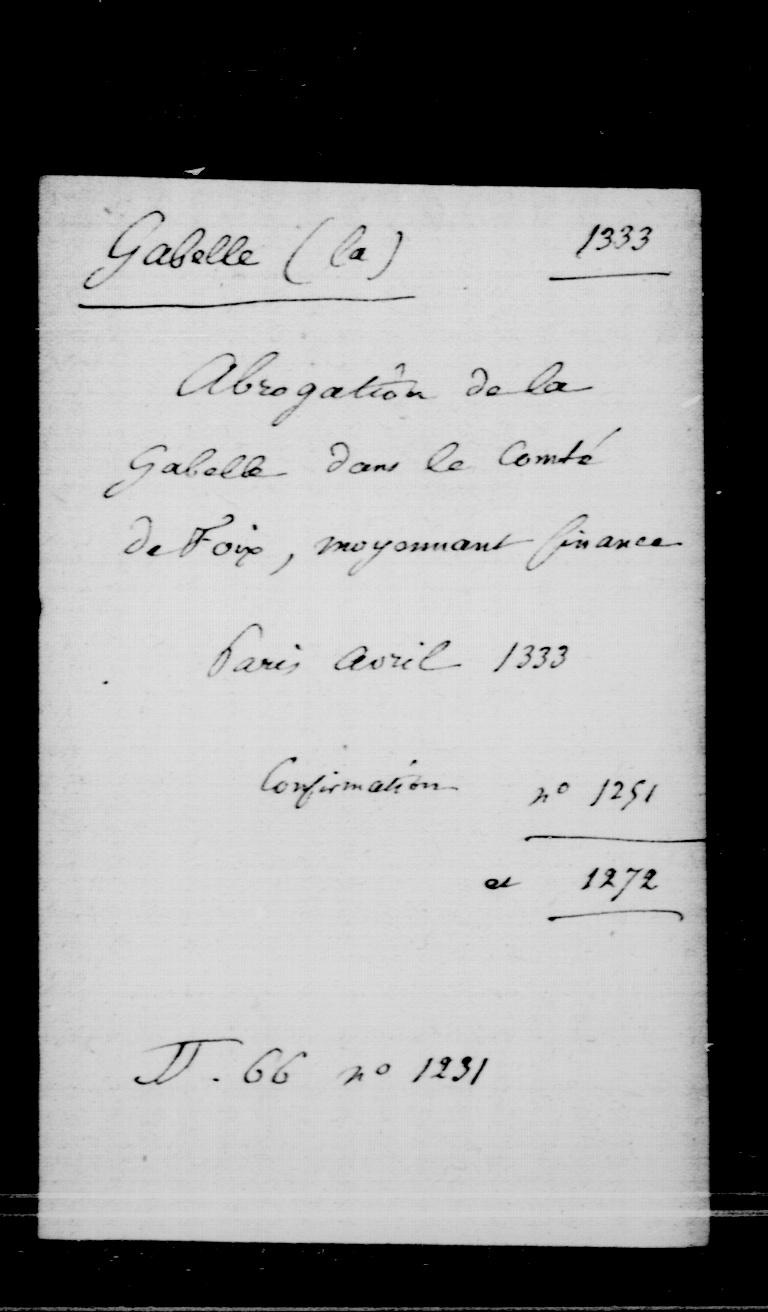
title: Gabelle (la)
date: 1333
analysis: Abrogation de la gabelle dans le comté de Foix, moyennant finance. Paris, avril 1333 Confirmation : n° 1251 et 1272
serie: JJ
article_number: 66
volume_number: n° 1231
